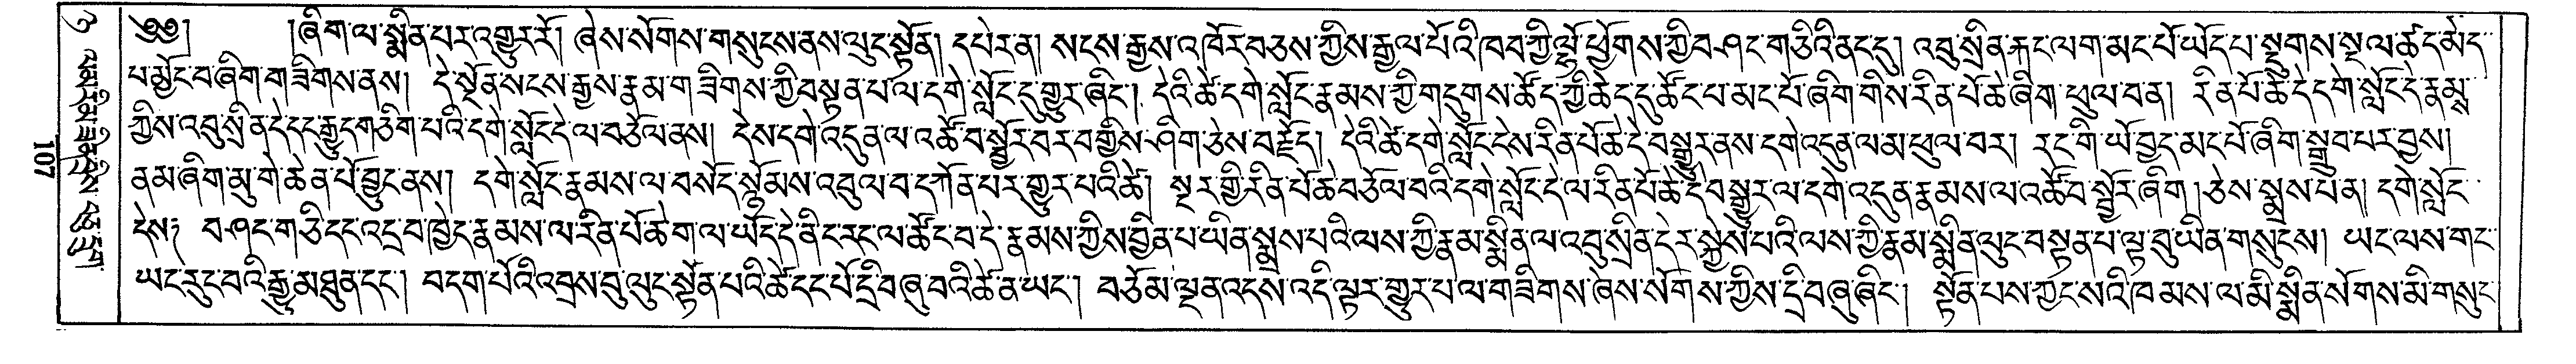༄༅། །ཞིག་ལ་སྨིན་པར་འགྱུར་རོ། ཞེས་སོགས་གསུངས་ནས་ལུང་སྟོན། དཔེར་ན། སངས་རྒྱས་འཁོར་བཅས་ཀྱིས་རྒྱལ་བོའི་ཁབ་ཀྱི་ལྷོ་ཕྱོགས་ཀྱི་བཤད་གཅིའི་ནང་དུ། འབུ་སྲིན་རྐང་ལག་མང་པོ་ཡོད་པ་སྡུག་བསྔལ་ཚད་མེད་
བ་མྱོང་བ་ཞིག་གཟིགས་ནས། དེ་སྔོན་སངས་རྒྱས་རྣམ་གཟིགས་ཀྱི་བསྟན་པ་ལ་དགེ་སློང་དུ་གྱུར་ཞིང་། དེའི་ཚེ་དགེ་སློང་རྣམས་ཀྱི་གདུགས་ཚོད་ཀྱི་ཆེད་དུ་ཚོང་པ་མང་པོ་ཞིག་གིས་རིན་པོ་ཆེ་ཞིག་ཕུལ་བ་ན། རིན་པོ་ཆེ་དེ་དགེ་སློང་དེ་རྣམས་
ཀྱིས་འབུ་སྲིན་དེ་དང་རྒྱུད་གཅིག་པའི་དགེ་སློང་དེ་ལ་བཅོལ་ནས། དེས་དགེ་འདུན་ལ་འཚོ་བ་སྦྱོར་བར་བགྱིས་ཤིག་ཅེས་བརྗོད། དེའི་ཚེ་དགེ་སློང་ངེས་རིན་པོ་ཆེ་དེ་བསྒྱུར་ནས་དགེ་འདུན་ལ་མ་ཕུལ་བར། རང་གི་ཡོ་བྱད་མང་པོ་ཞིག་སྒྲུབ་པར་བྱས།
ནམ་ཞིག་མུ་གེ་ཆེན་པོ་བྱུང་ནས། དགེ་སློང་རྣམས་ལ་བསོད་སྙོམས་འབུལ་བ་དཀོན་པར་གྱུར་པའི་ཚེ། སྔར་གྱི་རིན་པོ་ཆེ་བཅོལ་བའི་དགེ་སློང་དེ་ལ་རིན་པོ་ཆེ་དེ་བསྒྱུར་ལ་དགེ་འདུན་རྣམས་ལ་འཚོ་བ་སྦྱོར་ཞིག། ཅེས་སྨྲས་པ་ན། དགེ་སློང་
དེས༑ བཤང་གཅི་དང་འདྲ་བ་ཁྱེད་རྣམས་ལ་རིན་པོ་ཆེ་ག་ལ་ཡོད་དེ་ནི་ང་རང་ལ་ཚོང་པ་དེ་རྣམས་ཀྱིས་བྱིན་པ་ཡིན་སྨྲས་པའི་ལས་ཀྱི་རྣམ་སྨིན་ལ་འབུ་སྲིན་དེར་སྐྱེས་པའི་ལས་ཀྱི་རྣམ་སྨིན་ལུང་བསྟན་པ་ལྟ་བུ་ཡིན་གསུངས། ཡང་ལས་གང་
ཡང་རུང་བའི་རྒྱུ་མཐུན་དང་། བདག་པོའི་འབྲས་བུ་ལུང་སྟོན་པའི་ཚེ་དང་པོ་དྲི་བ་ཞུ་བའི་ཚེ་ན་ཡང་། བཅོམ་ལྡན་འདས་འདི་ལྟར་གྱུར་པ་ལ་གཟིགས་ཞེས་སོགས་ཀྱིས་དྲི་བ་ཞུ་ཞིང་། སྟོན་པས་ཀྱང་སའི་ཁམས་ལ་མི་སྨིན་སོགས་མི་གསུང་